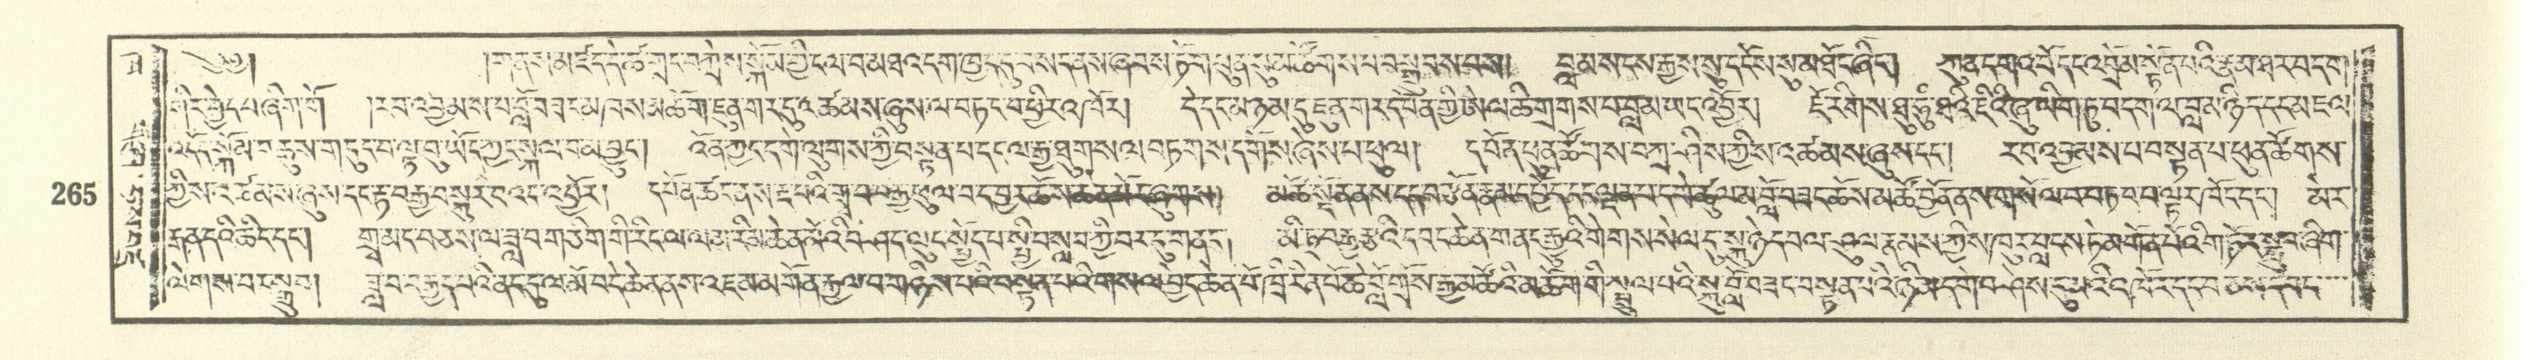༄༅། །གནས་མཛད་དེ་ཚ་གྲང་བཀྲེས་སྐོམ་གྱི་ངལ་བ་མཐའ་དག་ཁྱད་དུ་བསད་ནས་ཞབས་ཏོག་ཕུན་སུམ་ཚོགས་པ་བསྒྲུབས་པས། བླ་མ་སངས་རྒྱས་སུ་དངོས་སུ་མཐོང་ཞིང་། ཀུན་དགའ་བོ་དང་འབྲོམ་སྟོན་པའི་རྣམ་ཐར་བདག་
གིར་བྱེད་བ་ཞིག་གོ །རབ་འབྱམས་པ་བློ་བཟང་མཁས་མཆོག་ཇུན་གར་དུ་འཚམས་ཞུས་ལ་བཏང་བ་ཕྱིར་འཁོར། དེ་དང་མཉམ་དུ་ཇུན་གར་དཔོན་གྱི་ཨེལ་ཆི་གྲགས་པ་བླ་མ་ཡང་འབྱོར། ཇོ་རིགས་ཐུ་ཧུཾ་ཐའི་ཇིའི་ཞུ་ཡིག་ཏུ་བདག་ལ་བླ་མ་ཉིད་དང་མཇལ་
འདོད་སྐོམ་བ་ཆུས་གདུང་བ་ལྟ་བུ་ཡོད་ཀྱང་སྐལ་བ་མ་བྱུང་། འོན་ཀྱང་དགེ་ལུགས་ཀྱི་བསྟན་པ་དང་ལ་རྒྱ་ཐུགས་ལ་བཏགས་དགོས་ཞེས་པ་ཕུལ། དབོན་ཕུན་ཚོགས་བཀྲ་ཤིས་ཀྱིས་འཚམས་ཞུས་དང་། རབ་འབྱམས་པ་བསྟན་པ་ཕུན་ཚོགས་
ཀྱིས་འཚམས་ཞུས་དང་རྟ་བརྒྱ་བསྐུར་བའང་འབྱོར། དཔོན་ཚང་ནས་རྔ་པའི་གྲྭ་པ་བརྒྱ་ཕུལ་བ་དབྱར་ཆོས་ཆེན་མོར་ཞུགས། མཚོ་སྔོན་ནས་དད་བརྩོན་རྣམ་དབྱོད་དང་ལྡན་པ་དགེ་ཚུལ་མ་བློ་བཟང་ཆོས་མཚོ་བྱོན་ནས་གསོལ་བ་བཏབ་པ་ལྟར་ཁོང་དང་། མེར་
རྒན་དའི་ཆིང་དང་། གྲྭ་མང་བཅས་ལ་ཟླ་བ་གཅིག་གི་རིང་ལ་ལམ་རིམ་ཆེན་མོའི་བཤད་ལུང་སྤྱོད་པ་སྤྱི་བསླབ་ཀྱི་བར་དུ་གནང་། མི་ཏྲ་བརྒྱ་རྩའི་དབང་ཆེན་གནང་རྒྱུའི་གེགས་སེལ་དུ་སྐུ་ཉེ་དབལ་ཤུལ་རྣམས་ཀྱིས་ཁུར་བླང་ཏེ་མགོན་པོའི་གཏོར་སྒྲུབ་ཞིག་
ལེགས་པར་སྒྲུབ། ཟླ་བ་བརྒྱད་པའི་ནང་དུ་ལ་མོ་བདེ་ཆེན་ནས་འཇམ་མགོན་རྒྱལ་བ་གཉིས་པའི་བསྟན་པའི་གསལ་བྱེད་ཆེན་པོ་ཁྲི་རིན་པོ་ཆེ་བློ་གྲོས་རྒྱ་མཚོའི་མཆོག་གི་སྤྲུལ་པའི་སྐུ་བློ་བཟང་བསྟན་པའི་ཉི་མ་དགེ་བཤེས་དུ་མའི་འཁོར་དང་བཅས་དབང་